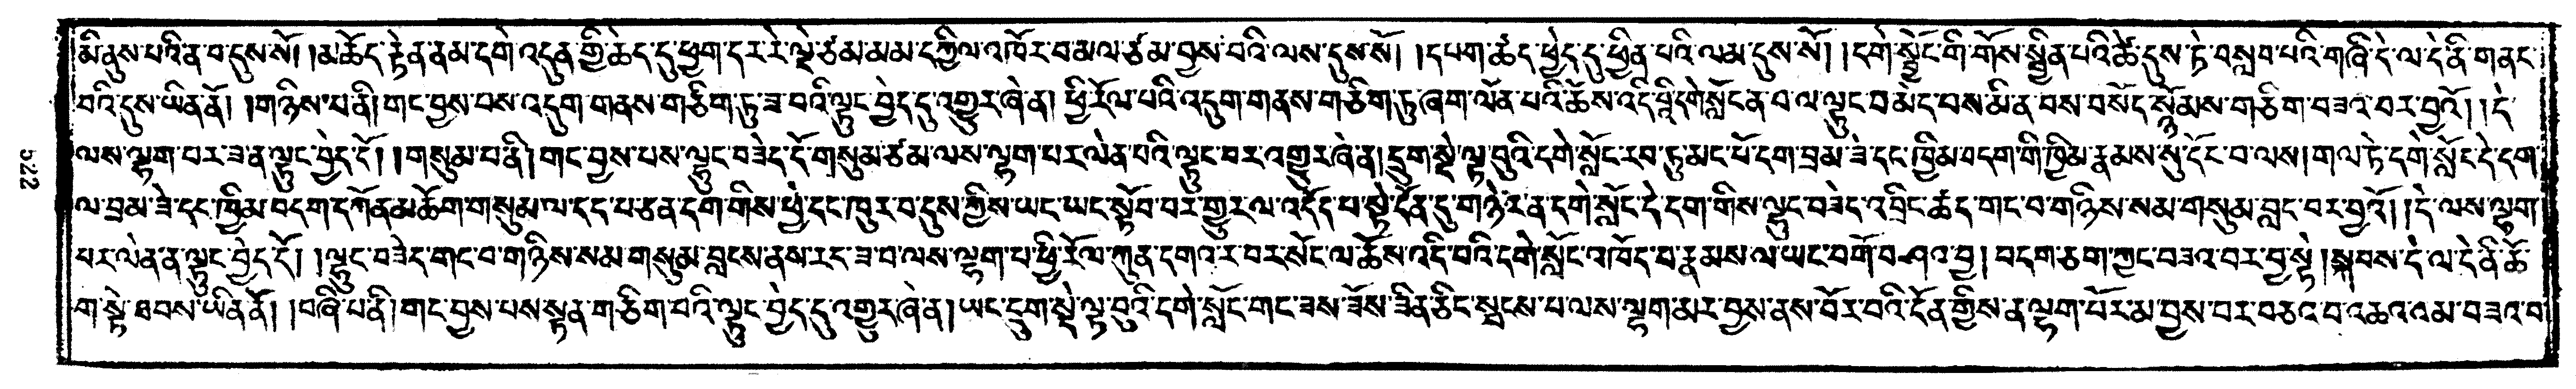མི་ནུས་པའི་ན་བ་དུས་སོ། །མཆོད་རྟེན་ནམ་དགེ་འདུན་གྱི་ཆེད་དུ་ཕྱག་དར་རེ་ལྡེ་ཙམ་མམ་དཀྱིལ་འཁོར་བ་མལ་ཙམ་བྱས་བའི་ལས་དུས་སོ། །དཔག་ཚད་ཕྱེད་དུ་ཕྱིན་པའི་ལམ་དུས་སོ། །དགེ་སྦྱོང་གི་གོས་སྦྱིན་པའི་ཚེ་དུས་ཏེ་བསླབ་པའི་གཞི་དེ་ལ་དེ་ནི་གནང་
བའི་དུས་ཡིན་ནོ། །གཉིས་པ་ནི། གང་བྱས་བས་འདུག་གནས་གཅིག་ཏུ་ཟ་བའི་ལྟུང་བྱེད་དུ་འགྱུར་ཞེ་ན། ཕྱི་རོལ་པའི་འདུག་གནས་གཅིག་ཏུ་ཞག་ལོན་པའི་ཆོས་འདི་པཱི་དགེ་སློང་ན་བ་ལ་ལྟུང་བ་མེད་བས་མིན་བས་བསོད་སྙོམས་གཅིག་བཟའ་བར་བྱའོ། །དེ་
ལས་ལྷག་པར་ཟ་ན་ལྟུང་བྱེད་དོ། །གསུམ་པ་ནི། གང་བྱས་པས་ལྟུང་བཟེད་དོ་གསུམ་ཙམ་ལས་ལྷག་པར་ལེན་པའི་ལྟུང་བར་འགྱུར་ཞེ་ན། དྲུག་སྡེ་ལྟ་བུའི་དགེ་སློང་རབ་ཏུ་མང་པོ་དག་བྲམ་ཟེ་དང་ཁྱིམ་བདག་གི་ཁྱིམ་རྣམས་སུ་དོང་བ་ལས། གལ་ཏེ་དགེ་སློང་དེ་དག་
ལ་བྲམ་ཟེ་དང་ཁྱིམ་བདག་དཀོན་མཆོག་གསུམ་ལ་དད་པ་ཅན་དག་གིས་ཕྱེ་དང་ཁུར་བ་དུས་ཀྱིས་ཡང་ཡང་སྟོབ་བར་གྱུར་ལ་འདོད་པ་སྟེ་དོན་དུ་གཉེར་ན་དགེ་སློང་དེ་དག་གིས་ལྷུང་བཟེད་འབྲིང་ཚད་གང་བ་གཉིས་སམ་གསུམ་བླང་བར་བྱའོ། །དེ་ལས་ལྷག་
པར་ལེན་ན་ལྟུང་བྱེད་དོ། །ལྷུང་བཟེད་གང་བ་གཉིས་སམ་གསུམ་བླངས་ནས་རང་ཟ་བ་ལས་ལྷག་པ་ཕྱི་རོལ་ཀུན་དགའ་ར་བར་སོང་ལ་ཆོས་འདི་བའི་དགེ་སློང་འཁོད་བ་རྣམས་ལ་ཡང་བགོ་བཤའ་བྱ། བདག་ཅག་ཀྱང་བཟའ་བར་བྱ་སྟེ། སྐབས་དེ་ལ་དེ་ནི་ཆོ་
ག་སྟེ་ཐབས་ཡིན་ནོ། །བཞི་པ་ནི། གང་བྱས་པས་སྟན་གཅིག་བའི་ལྟུང་བྱེད་དུ་འགྱུར་ཞེ་ན། ཡང་དྲུག་སྡེ་ལྟ་བུའི་དགེ་སློང་གང་ཟས་ཟོས་ཟིན་ཅིང་སྤངས་པ་ལས་ལྷག་མར་བྱས་ནས་བོར་བའི་དོན་གྱིས་ན་ལྷག་པོར་མ་བྱས་པར་བཅའ་བ་འཆའ་འམ་བཟའ་བ་